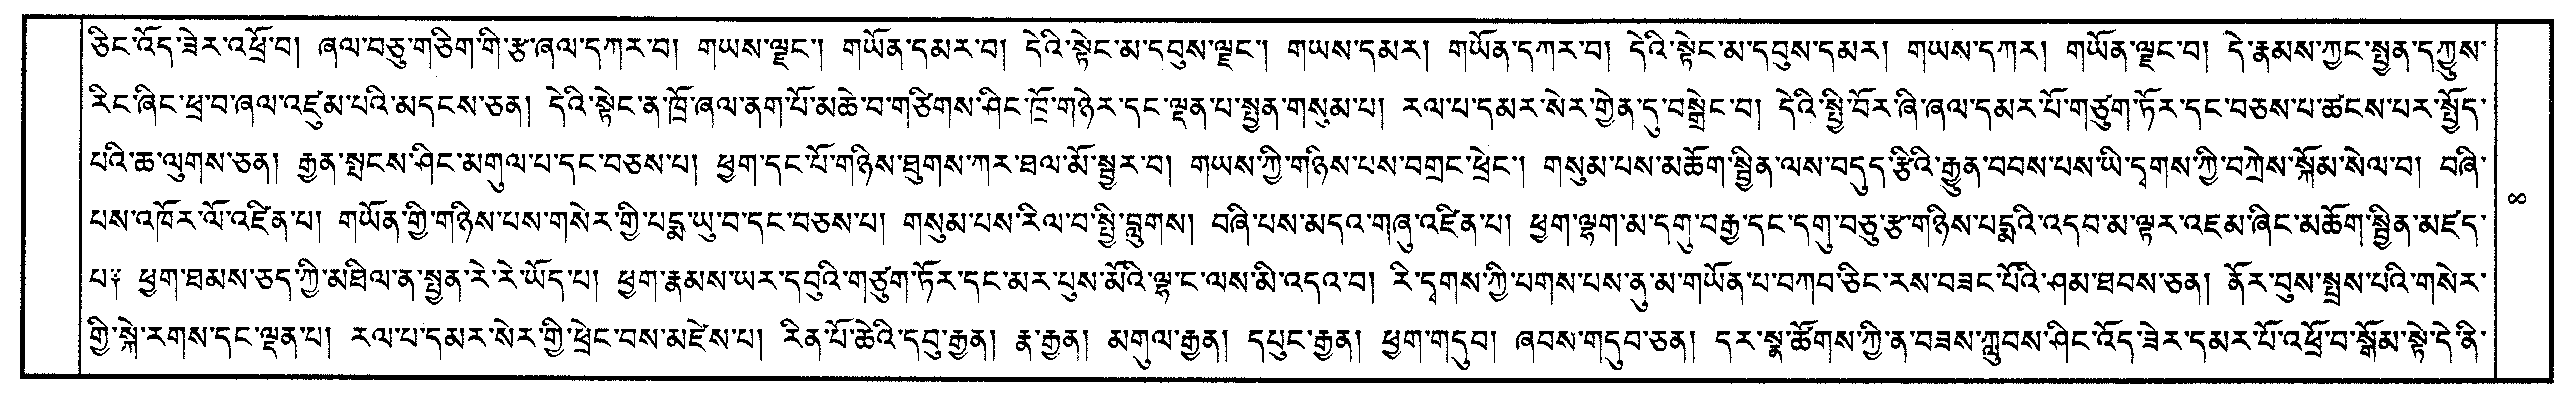ཅིང་འོད་ཟེར་འཕྲོ་བ། ཞལ་བཅུ་གཅིག་གི་རྩ་ཞལ་དཀར་བ། གཡས་ལྗང་། གཡོན་དམར་བ། དེའི་སྟེང་མ་དབུས་ལྗང་། གཡས་དམར། གཡོན་དཀར་བ། དེའི་སྟེང་མ་དབུས་དམར། གཡས་དཀར། གཡོན་ལྗང་བ། དེ་རྣམས་ཀྱང་སྤྱན་དཀྱུས་
རིང་ཞིང་ཕྲ་བ་ཞལ་འཛུམ་པའི་མདངས་ཅན། དེའི་སྟེང་ན་ཁྲོ་ཞལ་ནག་པོ་མཆེ་བ་གཙིགས་ཤིང་ཁྲོ་གཉེར་དང་ལྡན་པ་སྤྱན་གསུམ་པ། རལ་པ་དམར་སེར་གྱེན་དུ་བསྒྲེང་བ། དེའི་སྤྱི་བོར་ཞི་ཞལ་དམར་པོ་གཙུག་ཏོར་དང་བཅས་པ་ཚངས་པར་སྤྱོད་
པའི་ཆ་ལུགས་ཅན། རྒྱན་སྤངས་ཤིང་མགུལ་པ་དང་བཅས་པ། ཕྱག་དང་པོ་གཉིས་ཐུགས་ཀར་ཐལ་མོ་སྦྱར་བ། གཡས་ཀྱི་གཉིས་པས་བགྲང་ཕྲེང་། གསུམ་པས་མཆོག་སྦྱིན་ལས་བདུད་རྩིའི་རྒྱུན་བབས་པས་ཡི་དྭགས་ཀྱི་བཀྲེས་སྐོམ་སེལ་བ། བཞི་
པས་འཁོར་ལོ་འཛིན་པ། གཡོན་གྱི་གཉིས་པས་གསེར་གྱི་པདམ་ཡུ་བ་དང་བཅས་པ། གསུམ་པས་རིལ་བ་སྤྱི་བླུགས། བཞི་པས་མདའ་གཞུ་འཛིན་པ། ཕྱག་ལྷག་མ་དགུ་བརྒྱ་དང་དགུ་བཅུ་རྩ་གཉིས་པདམའི་འདབ་མ་ལྟར་འཇམ་ཞིང་མཆོག་སྦྱིན་མཛད་
པ༑ ཕྱག་ཐམས་ཅད་ཀྱི་མཐིལ་ན་སྤྱན་རེ་རེ་ཡོད་པ། ཕྱག་རྣམས་ཡར་དབུའི་གཙུག་ཏོར་དང་མར་པུས་མོའི་ལྷ་ང་ལས་མི་འདའ་བ། རི་དྭགས་ཀྱི་པགས་པས་ནུ་མ་གཡོན་པ་བཀབ་ཅིང་རས་བཟང་པོའི་ཤམ་ཐབས་ཅན། ནོར་བུས་སྤྲས་པའི་གསེར་
གྱི་སྐེ་རགས་དང་ལྡན་པ། རལ་པ་དམར་སེར་གྱི་ཕྲེང་བས་མཛེས་པ། རིན་པོ་ཆེའི་དབུ་རྒྱན། རྣ་རྒྱན། མགུལ་རྒྱན། དཔུང་རྒྱན། ཕྱག་གདུབ། ཞབས་གདུབ་ཅན། དར་སྣ་ཚོགས་ཀྱི་ན་བཟས་ཀླུབས་ཤིང་འོད་ཟེར་དམར་པོ་འཕྲོ་བ་སྒོམ་སྟེ་དེ་ནི་